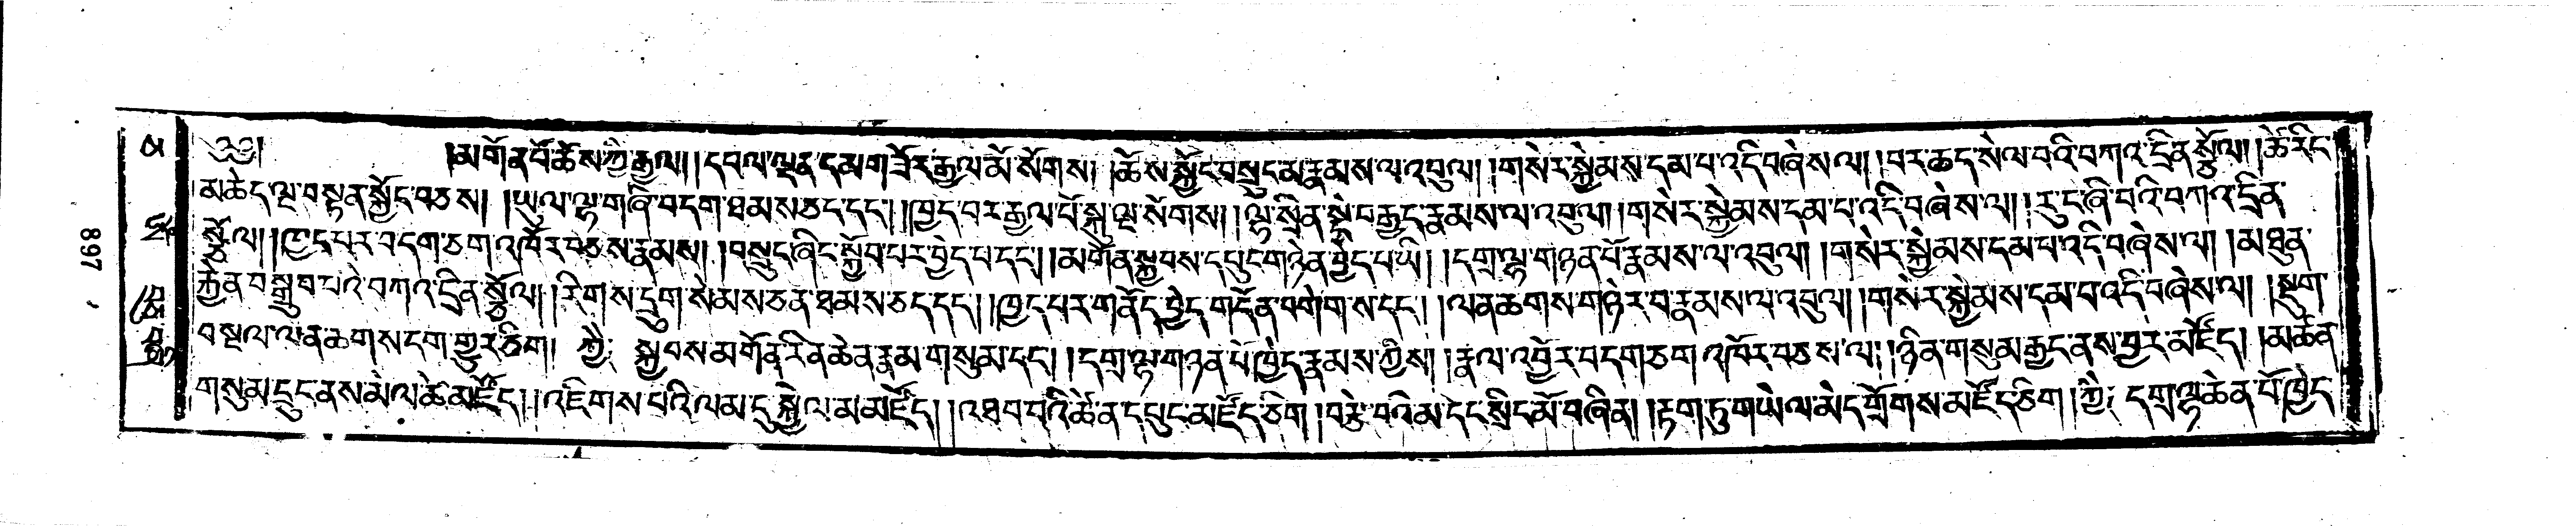༄༅། །མགོན་པོ་ཆོས་ཀྱི་རྒྱལ། །དཔལ་ལྡན་དམག་ཟོར་རྒྱལ་མོ་སོགས། །ཆོས་སྐྱོང་བསྲུང་མ་རྣམས་ལ་འབུལ། །གསེར་སྐྱེམས་དམ་པ་འདི་བཞེས་ལ། །བར་ཆད་སེལ་བའི་བཀའ་དྲིན་སྩོལ། །ཚེ་རིང་
མཆེད་ལྔ་བསྟན་སྐྱོང་བཅས། །ཡུལ་ལྷ་གཞི་བདག་ཐམས་ཅད་དང་། །ཁྱད་པར་རྒྱལ་པོ་སྐུ་ལྔ་སོགས། །ལྷ་སྲིན་སྡེ་བརྒྱད་རྣམས་ལ་འབུལ། །གསེར་སྐྱེམས་དམ་པ་འདི་བཞེས་ལ། །རུ་ང་ཞི་བའི་བཀའ་དྲིན་
སྩོལ། །ཁྱད་པར་བདག་ཅག་འཁོར་བཅས་རྣམས། །བསྲུང་ཞིང་སྐྱོབ་པར་བྱེད་པ་དང་། །མགོན་སྐྱབས་དཔུང་གཉེན་བྱེད་པ་ཡི། །དགྲ་ལྷ་གཉན་པོ་རྣམས་ལ་འབུལ། །གསེར་སྐྱེམས་དམ་པ་འདི་བཞེས་ལ། །མཐུན་
རྐྱེན་བསྒྲུབ་པའི་བཀའ་དྲིན་སྩོལ། །རིགས་དྲུག་སེམས་ཅན་ཐམས་ཅད་དང་། །ཁྱད་པར་གནོད་བྱེད་གདོན་བགེགས་དང་། །ལན་ཆགས་གཉེར་བ་རྣམས་ལ་འབུལ། །གསེར་སྐྱེམས་དམ་པ་འདི་བཞེས་ལ། །སྡུག་
བསྔལ་ལན་ཆགས་དག་གྱུར་ཅིག །ཀྱཻ༑ སྐྱབས་མགོན་རིན་ཆེན་རྣམ་གསུམ་དང་། །དགྲ་ལྷ་གཉན་པོ་ཁྱེད་རྣམས་ཀྱིས། །རྣལ་འབྱོར་བདག་ཅག་འཁོར་བཅས་ལ། །ཉིན་གསུམ་རྒྱང་ནས་བྱ་ར་མཛོད། །མཚན་
གསུམ་དྲུང་ནས་མེལ་ཚེ་མཛོད། །འཇིགས་པའི་ལམ་དུ་སྐྱེལ་མ་མཛོད། །འཐབ་པའི་ཚེ་ན་དཔུང་མཛོད་ཅིག །བརྩེ་བའི་མ་དང་སྲིང་མོ་བཞིན། །རྟག་ཏུ་གཡེལ་མེད་གྲོགས་མཛོད་ཅིག །ཀྱཻ༑ དགྲ་ལྷ་ཆེན་པོ་ཁྱེད་